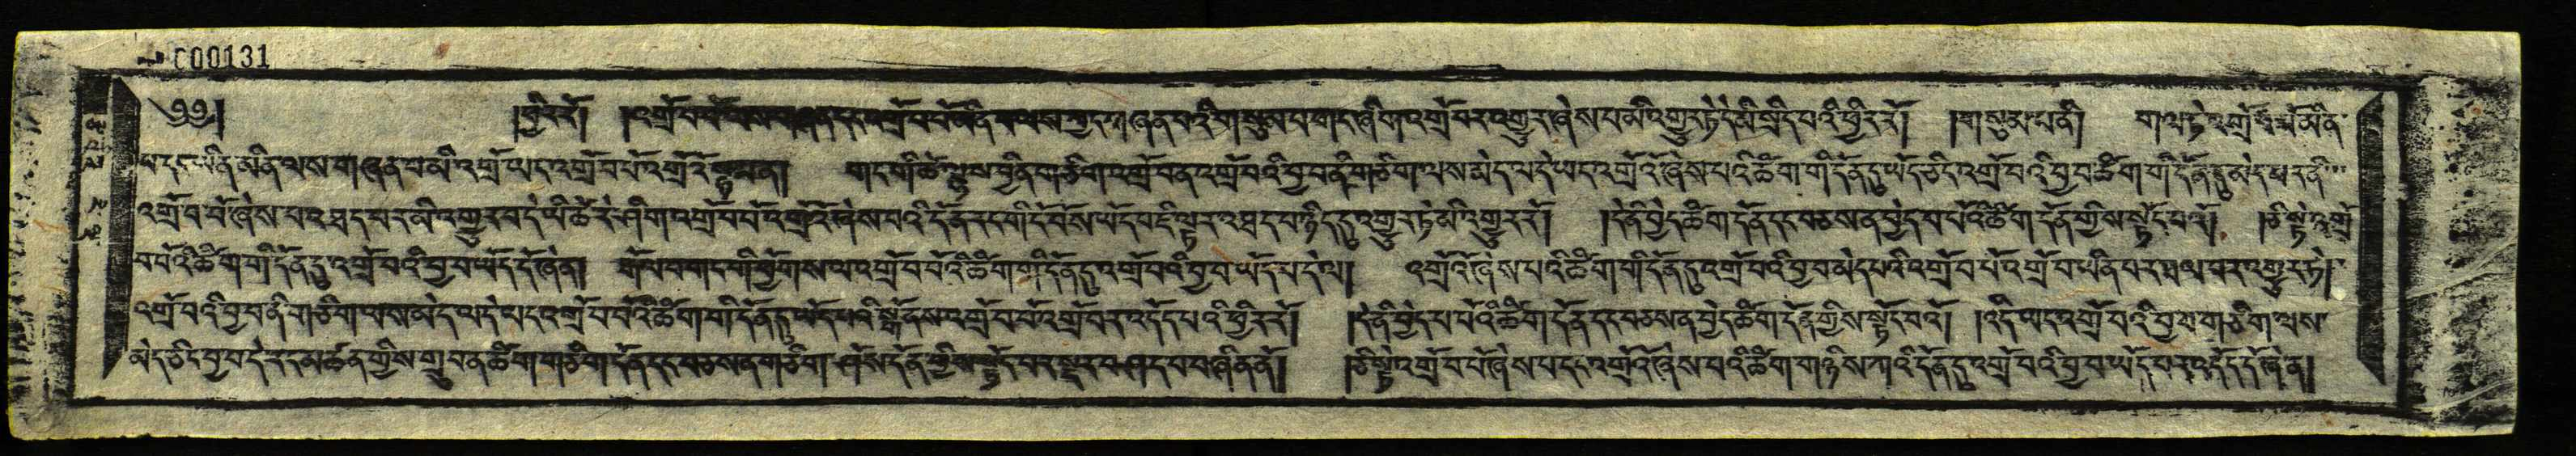༄༅། །ཕྱིར་རོ། །འགྲོ་བ་པོ་ལས་གཞན་དང་འགྲོ་བ་པོ་ཡིན་པ་ལས་ཀྱང་གཞན་པའི་གསུམ་པ་གང་ཞིག་འགྲོ་བར་འགྱུར་ཞེས་པ་མི་འགྱུར་ཏེ་དེ་མི་སྲིད་པའི་ཕྱིར་རོ། །གསུམ་པ་ནི། གལ་ཏེ་འགྲོ་བ་པོ་མིན་
པ་དང་ཡིན་མིན་ལས་གཞན་པ་མི་འགྲོ་ཡང་འགྲོ་བ་པོ་འགྲོའོ་སྙམ་ན། གང་གི་ཚེ་ལྷས་བྱིན་གཅིག་འགྲོ་བ་ན་འགྲོ་བའི་བྱ་བ་ནི་གཅིག་ལས་མེད་ལ་དེ་ཡང་འགྲོའོ་ཞེས་པའི་ཚིག་གི་དོན་དུ་ཡོད་ཅིང་འགྲོ་བའི་བྱ་བ་ཚིག་གི་དོན་དུ་མེད་པ་ནི་
འགྲོ་བ་པོ་ཞེས་པ་འཐད་པར་མི་འགྱུར་བ་དེ་ཡི་ཚེ་རེ་ཤིག་འགྲོ་བ་པོ་འགྲོའོ་ཞེས་པའི་དོན་རང་གི་ངོ་བོས་ཡོད་པ་ཇི་ལྟར་འཐད་པ་ཉིད་དུ་འགྱུར་ཏེ་མི་འགྱུར་རོ། །དེ་ནི་བྱེད་ཚིག་དོན་དང་བཅས་ན་བྱེད་པ་པོའི་ཚིག་དོན་གྱིས་སྟོང་པའོ། །ཅི་སྟེ་འགྲོ་
བ་པོའི་ཚིག་གི་དོན་དུ་འགྲོ་བའི་བྱ་བ་ཡོད་དོ་ཞེ་ན། གོལ་བ་གང་གི་ཕྱོགས་ལ་འགྲོ་བ་པོའི་ཚིག་གི་དོན་དུ་འགྲོ་བའི་བྱ་བ་ཡོད་པ་དེ་ལ། འགྲོའོ་ཞེས་པའི་ཚིག་གི་དོན་དུ་འགྲོ་བའི་བྱ་བ་མེད་པའི་འགྲོ་བ་འགྲོ་བ་ཡིན་པར་ཐལ་བར་འགྱུར་ཏེ།
འགྲོ་བའི་བྱ་བ་ནི་གཅིག་ལས་མེད་ལ་དེ་ཡང་འགྲོ་བ་པོའི་ཚིག་གི་དོན་དུ་ཡོད་པའི་སྒོ་ནས་འགྲོ་བ་པོ་འགྲོ་བར་འདོད་པའི་ཕྱིར་རོ། །དེ་ནི་བྱེད་པ་པོའི་ཚིག་དོན་དང་བཅས་ན་བྱེད་ཚིག་དོན་གྱིས་སྟོང་པའོ། །འདི་ཡང་འགྲོ་བའི་བྱ་བ་གཅིག་ལས་
མེད་ཅིང་བྱ་བ་དེ་རང་མཚན་གྱིས་གྲུབ་ན་ཚིག་གཅིག་དོན་དང་བཅས་ན་གཅིག་ཤེས་དོན་གྱིས་སྟོང་པར་སྔར་བཤད་པ་བཞིན་ནོ། །ཅི་སྟེ་འགྲོ་བ་པོ་ཞེས་པ་དང་འགྲོའོ་ཞེས་པའི་ཚིག་གཉིས་ཀའི་དོན་དུ་འགྲོ་བའི་བྱ་བ་ཡོད་པར་འདོད་དོ་ཞེ་ན།